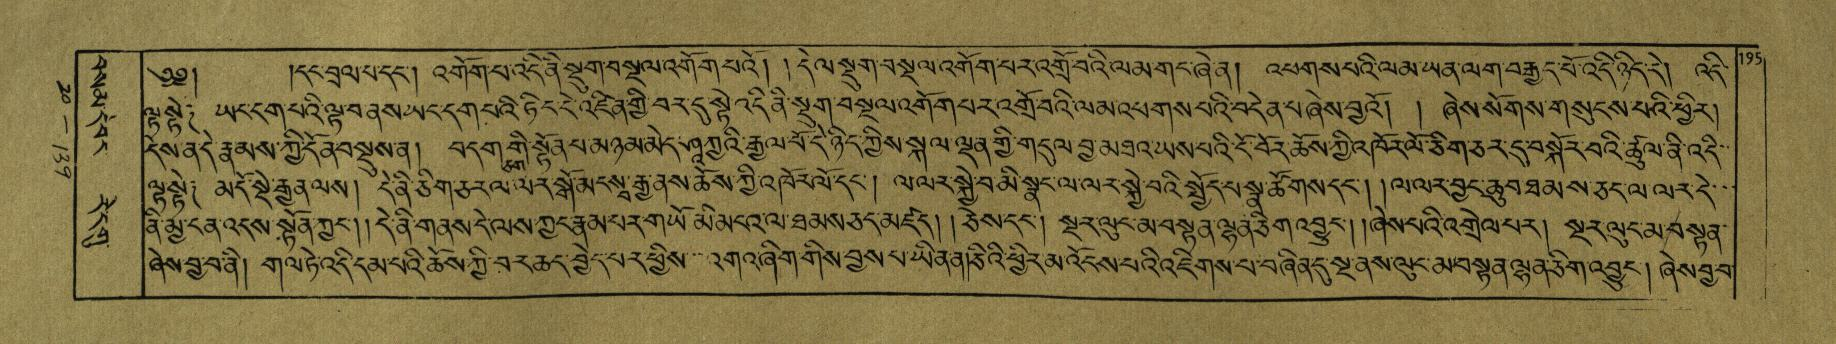༄༅། །དང་བྲལ་པ་དང་། འགོག་པ་འདི་ནི་སྡུག་བསྔལ་འགོག་པའོ། །དེ་ལ་སྡུག་བསྔལ་འགོག་པར་འགྲོ་བའི་ལམ་གང་ཞེ་ན། འཕགས་པའི་ལམ་ཡན་ལག་བརྒྱད་པོ་འདི་ཉིད་དེ། འདི་
ལྟ་སྟེ༑ ཡང་དག་པའི་ལྟ་བ་ནས་ཡང་དག་པའི་ཏིང་ངེ་འཛིན་གྱི་བར་དུ་སྟེ་འདི་ནི་སྡུག་བསྔལ་འགོག་པར་འགྲོ་བའི་ལམ་འཕགས་པའི་བདེན་པ་ཞེས་བྱའོ། །ཞེས་སོགས་གསུངས་པའི་ཕྱིར།
དེས་ན་དེ་རྣམས་ཀྱི་དོན་བསྡུས་ན། བདག་ཅག་གི་སྟོན་པ་མཉམ་མེད་ཤྰྐྱའི་རྒྱལ་པོ་དེ་ཉིད་ཀྱིས་སྐལ་ལྡན་གྱི་གདུལ་བྱ་མཐའ་ཡས་པའི་ངོ་བོར་ཆོས་ཀྱི་འཁོར་ལོ་ཅིག་ཅར་དུ་བསྐོར་བའི་ཚུལ་ནི་འདི་
ལྟ་སྟེ༑ མདོ་སྡེ་རྒྱན་ལས། དེ་ནི་ཅིག་ཅར་ལ་ལར་སྒོ་མངས་བརྒྱ་ནས་ཆོས་ཀྱི་འཁོར་ལོ་དང་། ལ་ལར་སྐྱེ་བ་མི་སྣང་ལ་ལར་སྐྱེ་བའི་སྤྱོད་པ་སྣ་ཚོགས་དང་། །ལ་ལར་བྱང་ཆུབ་ཐམས་ཅད་ལ་ལར་དེ་
ནི་མྱ་ངན་འདས་སྟོན་ཀྱང་། །དེ་ནི་གནས་དེ་ལས་ཀྱང་རྣམ་པར་གཡོ་མི་མངའ་ལ་ཐམས་ཅད་མཛད། །ཅེས་དང་། སྔར་ལུང་མ་བསྟན་ལྷན་ཅིག་འབྱུང་། །ཞེས་པའི་འགྲེལ་པར། སྔར་ལུང་མ་བསྟན་
ཞེས་བྱ་བ་ནི། གལ་ཏེ་འདི་དམ་པའི་ཆོས་ཀྱི་བར་ཆད་བྱེད་པར་ཕྱིས་འགའ་ཞིག་གིས་བྱས་པ་ཡིན་ན། ཅིའི་ཕྱིར་མ་འོངས་པའི་འཇིགས་པ་བཞིན་དུ་སྔ་ནས་ལུང་མ་བསྟན་ལྷན་ཅིག་འབྱུང་། ཞེས་བྱ་བ་